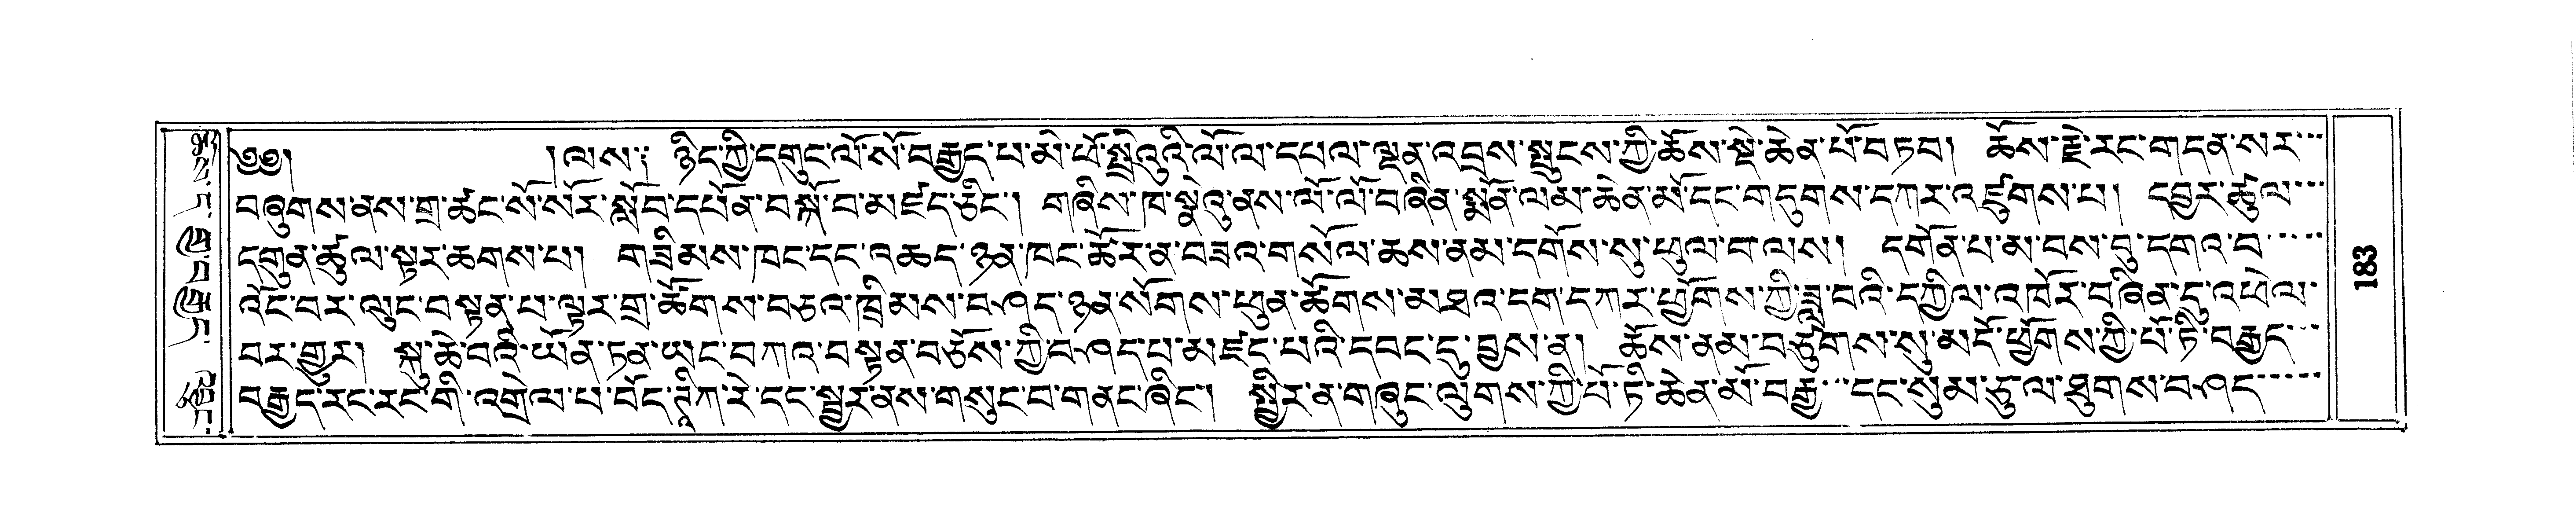༄༅། །ལས༑ ཉིད་ཀྱི་དགུང་ལོ་སོ་བརྒྱད་པ་མི་ཕོ་སྤྲེའུའི་ལོ་ལ་དཔལ་ལྡན་འབྲས་སྤུངས་ཀྱི་ཆོས་སྡེ་ཆེན་པོ་བཏབ། ཆོས་རྗེ་རང་གདན་སར་
བཞུགས་ནས་གྲ་ཚང་སོ་སོར་སློབ་དཔོན་བསྐོ་བ་མཛད་ཅིང་། གཞིས་ཁ་སྣེའུ་ནས་ལོ་ལོ་བཞིན་སྨོན་ལམ་ཆེན་མོ་དང་གདུགས་དཀར་འཛུགས་པ། དབྱར་ཚུལ་
དགུན་ཚུལ་སྟར་ཆགས་པ། གཟིམས་ཁང་དང་འཆད་ཉན་ཁང་ཚོར་ན་བཟའ་གསོལ་ཆས་ནམ་དགོས་སུ་ཕུལ་བ་ལས། དགོན་པ་མ་བས་བུ་དགའ་བ་
འོང་བར་ལུང་བསྟན་པ་ལྟར་གྲ་ཚོགས་བཅའ་ཁྲིམས་བཤད་ཉན་སོགས་ཕུན་ཚོགས་མཐའ་དག་དཀར་ཕྱོགས་ཀྱི་ཟླ་བའི་དཀྱིལ་འཁོར་བཞིན་དུ་འཕེལ་
བར་གྱུར། སྐུ་ཆེ་བའི་ཡོན་ཏན་ཡང་བཀའ་བསྟན་བཅོས་ཀྱི་བཤད་པ་མཛད་པའི་དབང་དུ་བྱས་ན། ཆོས་ནས་བཙུགས་སུ་མདོ་ཕྱོགས་ཀྱི་པོ་ཏི་བརྒྱད་
བརྒྱད་རང་རང་གི་འགྲེལ་པ་བོད་ཊཱིཀ་རེ་དང་སྦྱར་ནས་གསུང་བ་གནང་ཞིང་། སྤྱིར་ན་གཞུང་ལུགས་ཀྱི་པོ་ཏི་ཆེན་མོ་བརྒྱ་དང་སུམ་ཅུ་ལ་ཐུགས་བཤད་